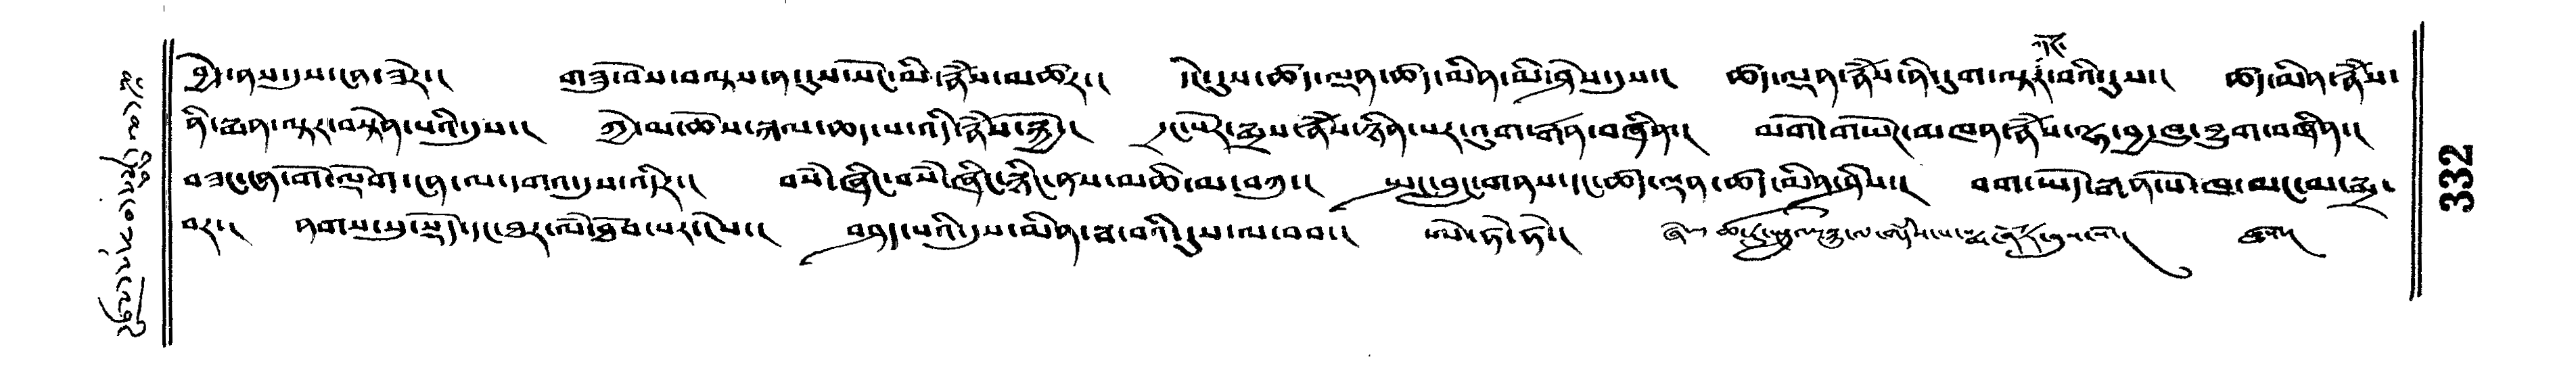བྱས་ནས་དུས་ངན་ཟེར། །གཟུ་བོས་བལྟས་ན་དེང་སང་མི་རྣམས་མཚར། །དེང་དུས་ཚད་ལྡན་ཚད་མིན་མི་ཤེས་དུས། །ཚད་ལྡན་རྣམས་ནི་དུག་ལྟར་འདོར་བའི་དུས། །ཚད་མིན་རྣམས་
ནི་སྨན་ལྟར་བསྟེན་པའི་དུས། །ཀྱེ་མ་ཆོས་སྐལ་ཆད་པ་འདི་རྣམས་སྐྱོ། །དྲང་པོར་སྨྲས་རྣམས་ཉིན་པར་འུག་རྒན་བཞིན། །མགོ་གཡོགས་མཁན་རྣམས་ལྷ་བྱ་ཁུ་བྱུག་བཞིན། །
བཟང་ངན་གོ་ལྡོག་ངན་ལ་དགའ་དུས་འདིར། །བསམ་ཞིང་བསམ་ཞིང་སྙིང་ནས་མཆི་མ་བཀུ། །སྤང་བླང་གནས་དང་ཚད་ལྡན་ཚད་མིན་ཤེས། །བག་ཡོད་རྒན་པོ་ཁ་མང་མ་སྨྲ་
བར། །ནགས་སུ་སྡོད་དང་ཐར་ལམ་ཐོབ་པར་ངེས། །བཤད་པའི་དུས་མིན་སྦ་བའི་དུས་ལ་བབ། ། ཨེ་ཧོ་ཧོ། ཞེས་ཚ་རུ་སྤྲུལ་སྐུ་ལ་གདམས་པ་པདྨ་ནོར་བུས་སོ།། དགེའོ།།